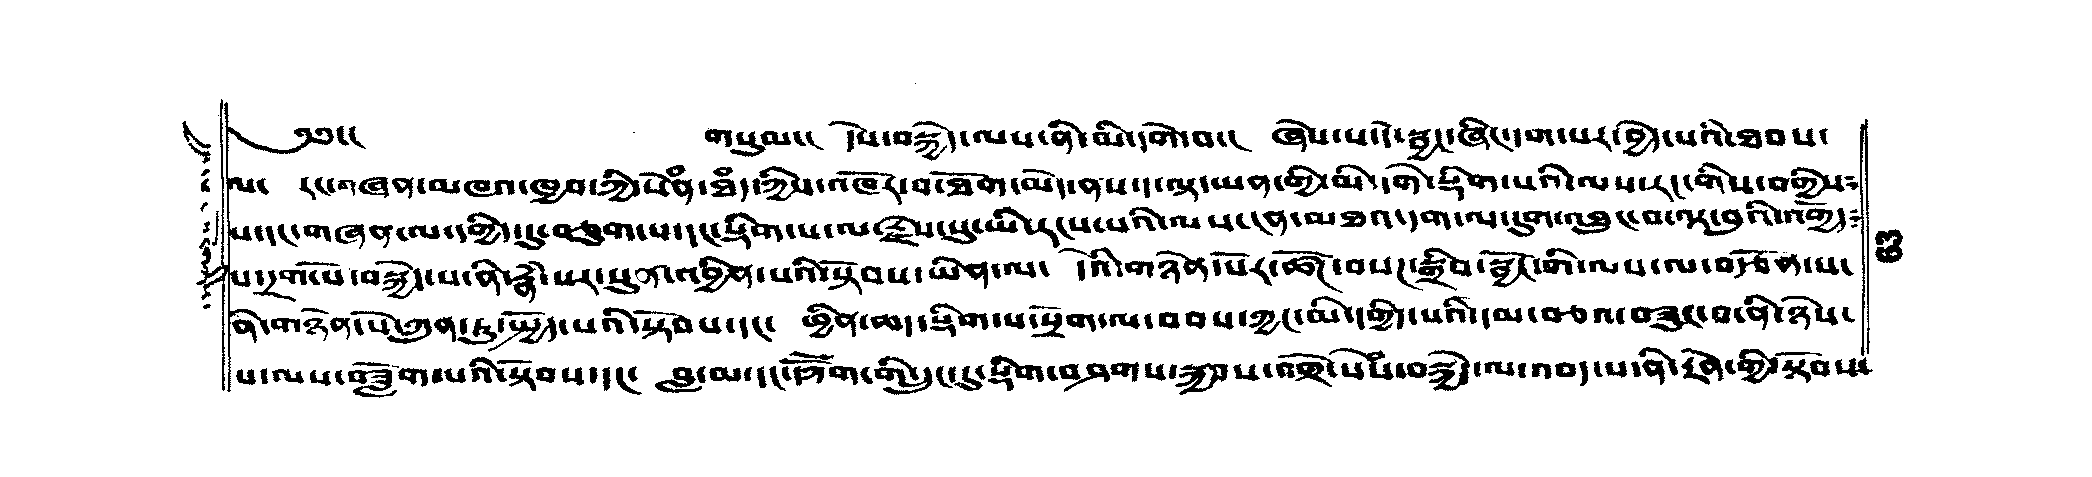གསུམ། དེས་བསྐྱེད་ལས་ནི་མི་དགེ་བ། ཞེས་པ་དེ་སྦྱང་ཞིང་དག་པར་བྱེད་པའི་ཐབས་
ལ། རང་གཞན་མཁའ་ཁྱབ་ཀྱི་སེམས་ཅན་ཐམས་ཅད་ཀྱིས་འཁོར་བ་ཐོག་མེད་ནས་ད་ལྟ་ཡན་གྱི་མི་དགེ་སྡིག་པའི་ལས་རང་གིས་བགྱིས་
པ་དང་གཞན་ལ་དགྱིད་དུ་བཅུག་པ་དང་སྡིག་པ་ལ་རྗེས་སུ་ཡི་རངས་པའི་ལས་ངན་མཐའ་དག་ལ་དུག་འཐུང་བ་ལྟ་བུའི་འགྱོད་
པ་དྲག་པོ་བསྐྱེད་པ་ནི་རྣམ་པར་སུན་འབྱིན་པའི་སྟོབས་ཡིན་ལ། དེའི་གཉེན་པོར་ཚོགས་བསགས་སྒྲིབ་སྦྱོང་གི་ལས་ལ་བརྩོན་པ་
ནི་གཉེན་པོ་ཀུན་ཏུ་སྤྱོད་པའི་སྟོབས་དང་། ཕྱིན་ཆད་སྡིག་པ་སྲོག་ལ་བབས་ཀྱང་མི་དགྱིད་པའི་དམ་བཅའ་བཟུང་བ་ནི་ཉེས་
པ་ལས་བཟློག་པའི་སྟོབས་དང་། བླ་མ་དང་དཀོན་མཆོག་གི་དྲུག་དུ་སྡིག་བཤགས་སྐྱབས་འགྲོ་སེམས་བསྐྱེད་ལ་འབད་པ་ནི་རྟེན་གྱི་སྟོབས།